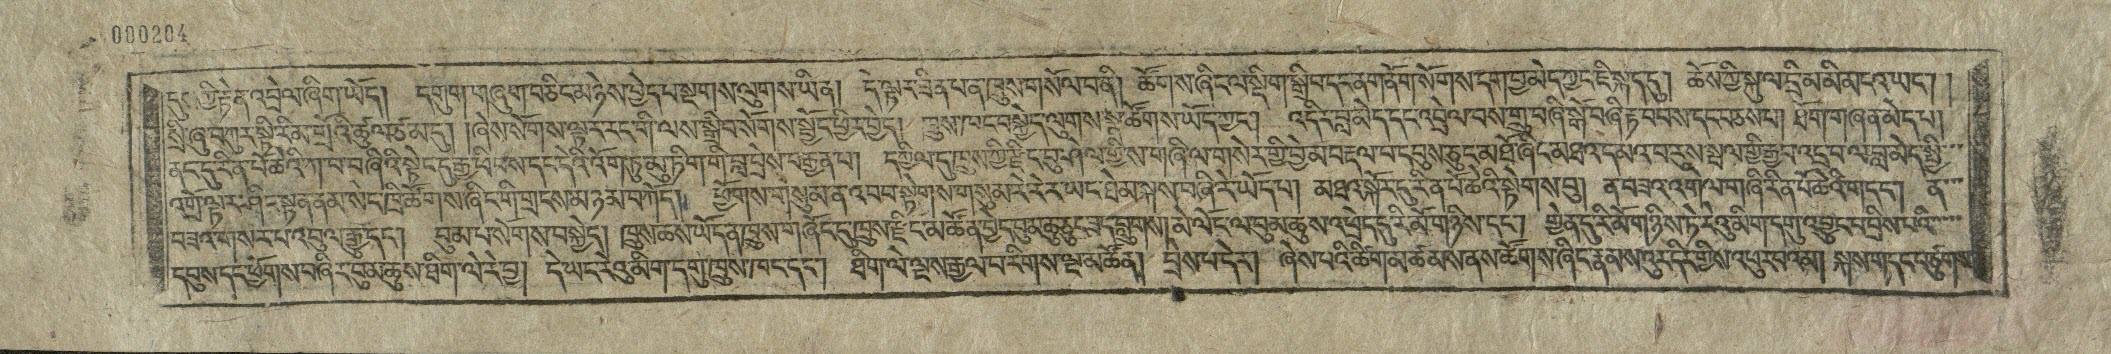དུས་ཀྱི་རྟེན་འབྲེལ་ཞིག་ཡོད། དགུག་གཞུག་བཅིང་མཉེས་བྱེད་པ་སྔགས་ལུགས་ཡིན། དེ་ལྟར་ཟིན་པ་ན་ཁྲུས་གསོལ་བ་ནི། ཚོགས་ཞིང་ལ་སྡིག་སྒྲིབ་དང་ནག་ནོག་སོགས་དག་བྱ་མེད་ཀྱང་ཇི་སྐད་དུ། ཆོས་ཀྱི་སྐུ་ལ་དྲི་མ་མི་མངའ་ཡང་། །
སྲི་ཞུ་བཀུར་སྟི་རིམ་གྲོའི་ཚུལ་ཙམ་དུ། །ཞེས་སོགས་ལྟར་རང་གི་ལས་སྒྲིབ་སོགས་སྦྱོང་ཕྱིར་བྱེད། ཁྲུས་ཁང་བསྐྱེད་ལུགས་སྣ་ཚོགས་ཡོད་ཀྱང་། འདིར་བླ་མེད་དང་འབྲེལ་བས་གྲུ་བཞི་སྒོ་བཞི་རྟ་བབས་དང་བཅས་པ། ཐོག་གཞན་མེད་པ།
ནང་དུ་རིན་པོ་ཆེའི་ཀ་བ་བཞིའི་སྟེང་དུ་རྒྱ་ཕིབས་དང་དེའི་འོག་ཏུ་མུ་ཏིག་གི་བླ་བྲེས་བརྒྱན་པ། དཀྱིལ་དུ་ཁྲུས་ཀྱི་རྫིང་བུ་ཤེལ་གྱི་ས་གཞི་ལ་གསེར་གྱི་བྱེ་མ་བརྡལ་བ་དབུས་ཅུང་མཐོ་ཞིང་མཐའ་དམའ་བ་རུས་སྦལ་གྱི་རྒྱབ་འདྲ་བ་ལ་བླ་མེད་སྤྱི་
འགྲོ་ལྟར་ཤིང་སྟན་ནམ་སེང་ཁྲི་ཚོགས་ཞིང་གི་གྲངས་མཉམ་བཀོད། ཕྱོགས་གསུམ་ན་འབབ་སྟེགས་གསུམ་རེ་རེར་ཡང་ཐེམ་སྐས་བཞི་རེ་ཡོད་པ། མཐའ་སྐོར་དུ་རིན་པོ་ཆེའི་སྟེགས་བུ། ན་བཟའ་འགེལ་གཞི་རིན་པོ་ཆེའི་གདང་། ན་
བཟའ་གསར་པ་འབུལ་རྒྱུ་དང་། བུམ་པ་སོགས་བསྐྱེད། ཁྲུས་ཆས་ཡོད་ན་ཁྲུས་གཞོང་དུ་ཁྲུས་རྫིང་མཚོན་བྱེད་བུམ་ཆུ་ཅུང་ཟད་བླུགས། མེ་ལོང་ལ་བུམ་ཆུས་འཕྲེད་དུ་རི་མོ་གཉིས་དང་། གྱེན་དུ་རི་མོ་གཉིས་ཏེ་རེའུ་མིག་དགུ་འབྱུང་བ་བྲིས་པའི་
དབུས་དང་ཕྱོགས་བཞིར་བུམ་ཆུས་ཐིག་ལེ་རེ་བྱ། དེ་ཡང་རེའུ་མིག་དགུ་ཁྲུས་ཁང་དང་། ཐིག་ལེ་ལྔས་རྒྱལ་བ་རིགས་ལྔ་མཚོན། བྲེས་པ་དེར། ཞེས་པའི་ཚིག་མཚམས་ནས་ཚོགས་ཞིང་རྣམས་འུར་དིར་གྱིས་འཕུར་བའམ། སྐས་གདང་བཙུགས་